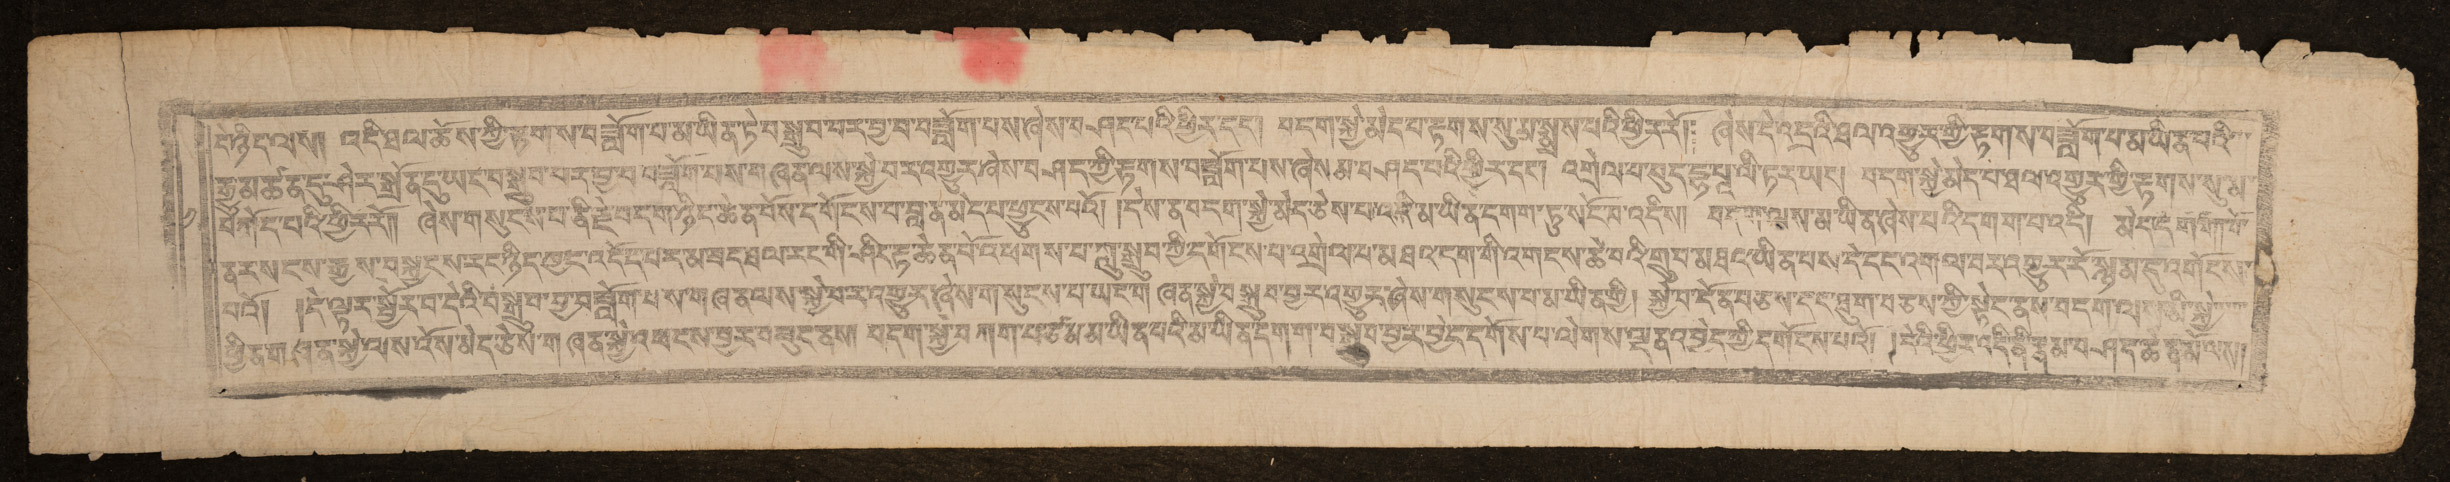དེ་ཉིད་ལས། འདི་ཐལ་ཆོས་ཀྱི་རྟགས་བཟློག་པ་མ་ཡིན་ཏེ་བསྒྲུབ་པར་བྱ་བ་བཟློག་པས་ཞེས་བཤད་པའི་ཕྱིར་དང་། བདག་སྐྱེ་མེད་པ་རྟགས་སུ་མ་སྨྲས་པའི་ཕྱིར་རོ། །ཞེས་དེ་འདྲའི་ཐལ་འགྱུར་གྱི་རྟགས་བཟློག་པ་མ་ཡིན་པའི་
རྒྱུ་མཚན་དུ་ཤེར་སྒྲོན་དུ་ཡང་བསྒྲུབ་པར་བྱ་བ་བཟློག་པས་གཞན་ལས་སྐྱེ་བར་འགྱུར་ཞེས་བཤད་ཀྱི་རྟགས་བཟློག་པས་ཞེས་མ་བཤད་པའི་ཕྱིར་དང་། འགྲེལ་པ་བུདྡྷ་པཱ་ལི་ཏར་ཡང་། བདག་སྐྱེ་མེད་པ་ཐལ་འགྱུར་གྱི་རྟགས་སུ་མ་
བཀོད་པའི་ཕྱིར་རོ། །ཞེས་གསུངས་པ་ནི་རྗེ་བདག་ཉིད་ཆེན་པོས་དགོངས་པ་བླ་ན་མེད་པ་ཕྱུངས་པའོ། །དེས་ན་བདག་སྐྱེ་མེད་ཅེས་པ་འདི་མ་ཡིན་དགག་ཏུ་སོང་བ་འདིས། བདག་ལས་མ་ཡིན་ཞེས་པའི་དགག་པ་འདི། མེད་དགག་ཁོ་
ནར་སངས་རྒྱས་བསྐྱངས་རང་ཉིད་ཀྱང་འདོད་པར་མ་ཟད་ཐལ་རང་གི་ཤིང་རྟ་ཆེན་པོ་འཕགས་པ་ཀླུ་སྒྲུབ་ཀྱི་དགོངས་པ་འགྲེལ་པ་མཐའ་དག་གི་འགངས་ཆེ་བའི་གྲུབ་མཐའ་ཡིན་པས་དེ་དང་འགལ་བར་འགྱུར་རོ་སྙམ་དུ་དགོངས་
པའོ༑ ༑དེ་ལྟར་སྦྱོར་བ་དེའི་བསྒྲུབ་བྱ་བཟློག་པས་གཞན་ལས་སྐྱེ་བར་འགྱུར་ཞེས་གསུངས་པ་ཡང་གཞན་སྐྱེ་བསྒྲུབ་བྱར་འགྱུར་ཞེས་གསུངས་པ་མ་ཡིན་གྱི། སྐྱེ་བ་དོན་བཅས་དང་ཐུག་བཅས་ཀྱི་སྟེང་ནས་བདག་ལས་མི་སྐྱེ་
ཕྱིན་གཞན་སྐྱེ་ལས་འོས་མེད་ཅེས་གཞན་སྐྱེ་འཕངས་བྱར་བཟུང་ནས། བདག་སྐྱེ་བཀག་པ་ཙམ་མ་ཡིན་པའི་མ་ཡིན་དགག་བསྒྲུབ་བྱར་བྱེད་དགོས་པ་ལེགས་ལྡན་འབྱེད་ཀྱི་དགོངས་པའོ། །དེའི་ཕྱིར་འདི་ནི་རྣམ་བཤད་ཆེན་མོ་ལས།